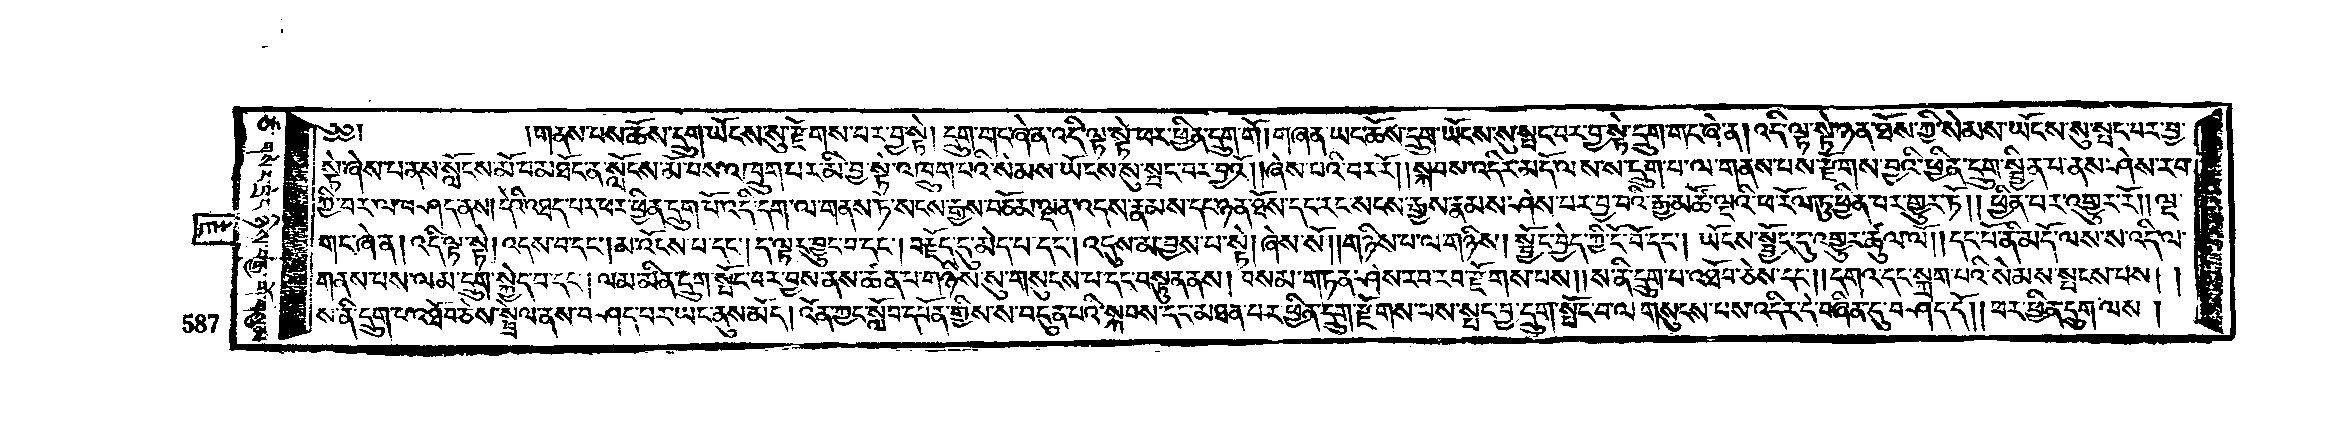༄༅། །གནས་པས་ཆོས་དྲུག་ཡོངས་སུ་རྫོགས་པར་བྱ་སྟེ། དྲུག་གང་ཞེ་ན་འདི་ལྟ་སྟེ་ཕར་ཕྱིན་དྲུག་གོ །གཞན་ཡང་ཆོས་དྲུག་ཡོངས་སུ་སྤང་བར་བྱ་སྟེ་དྲུག་གང་ཞེ་ན། འདི་ལྟ་སྟེ་ཉན་ཐོས་ཀྱི་སེམས་ཡོངས་སུ་སྤང་བར་བྱ་
སྟེ་ཞེས་པ་ནས་སློངས་མོ་བ་མཐོང་ན་སློངས་མོ་བས་འཁྲུག་པར་མི་བྱ་སྟེ་འཁྲུག་པའི་སེམས་ཡོངས་སུ་སྤང་བར་བྱའོ། །ཞེས་པའི་བར་རོ། །སྐབས་འདིར་མདོ་ལས་ས་དྲུག་པ་ལ་གནས་པས་རྫོགས་བྱའི་ཕྱིན་དྲུག་སྦྱིན་པ་ནས་ཤེས་རབ་
ཀྱི་བར་ལ་བཤད་ནས། དེའི་འཐད་པར་ཕར་ཕྱིན་དྲུག་པོ་འདི་དག་ལ་གནས་ཏེ་སངས་རྒྱས་བཅོམ་ལྡན་འདས་རྣམས་དང་ཉན་ཐོས་དང་རང་སངས་རྒྱས་རྣམས་ཤེས་པར་བྱ་བའི་རྒྱ་མཚོ་ལྔའི་ཕ་རོལ་ཏུ་ཕྱིན་པར་གྱུར་ཏོ། །ཕྱིན་པར་འགྱུར་རོ། །ལྔ་
གང་ཞེ་ན། འདི་ལྟ་སྟེ། འདས་པ་དང་། མ་འོངས་པ་དང་། ད་ལྟར་བྱུང་བ་དང་། བརྗོད་དུ་མེད་པ་དང་། འདུས་མ་བྱས་པ་སྟེ། ཞེས་སོ། །གཉིས་པ་ལ་གཉིས། སྦྱོང་བྱེད་ཀྱི་ངོ་བོ་དང་། ཡོངས་སྦྱོང་དུ་འགྱུར་ཚུལ་ལོ། །དང་པོ་ནི་མདོ་ལས་ས་འདི་ལ་
གནས་པས་ལམ་དྲུག་སྐྱེད་པ་དང་། ལམ་མིན་དྲུག་སྤོང་བར་བྱས་ནས་ཚན་པ་གཉིས་སུ་གསུངས་པ་དང་བསྟུན་ནས། བསམ་གཏན་ཤེས་རབ་རབ་རྫོགས་པས། །ས་ནི་དྲུག་པ་འཐོབ་ཅེས་དང་། །དགའ་དང་སྐྲག་པའི་སེམས་སྤངས་པས། །
ས་ནི་དྲུག་པ་འཐོབ་ཅེས་སྤྲེལ་ནས་བཤད་པར་ཡང་ནུས་མོད། འོན་ཀྱང་སློབ་དཔོན་གྱིས་ས་བདུན་པའི་སྐབས་དང་མཐུན་པར་ཕྱིན་དྲུག་རྫོགས་པས་སྤང་བྱ་དྲུག་སྤོང་བ་ལ་གསུངས་པས་འདིར་དེ་བཞིན་དུ་བཤད་དེ། །ཕར་ཕྱིན་དྲུག་ལས།